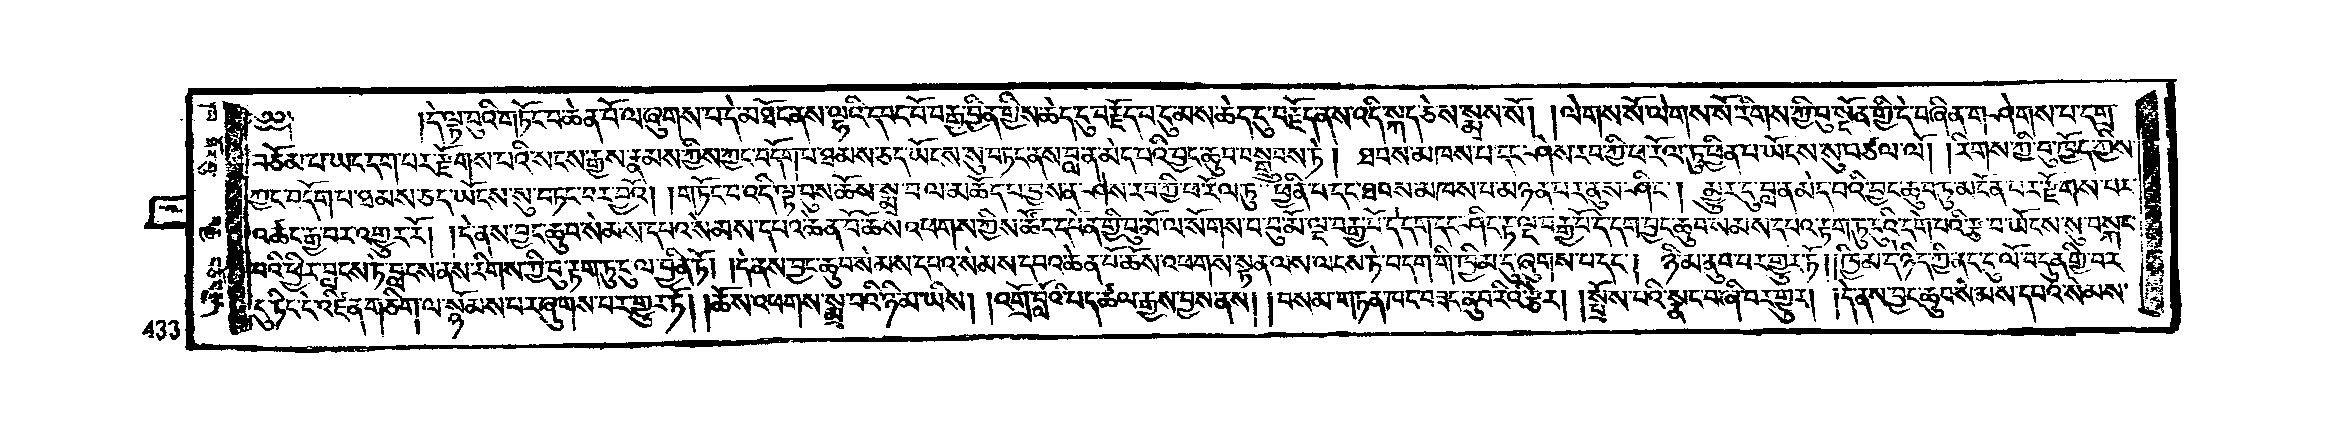༄༅། །དེ་ལྟ་བུའི་གཏོང་བ་ཆེན་པོ་ལ་ཞུགས་པ་དེ་མཐོང་ནས་ལྷའི་དབང་པོ་བརྒྱ་བྱིན་གྱིས་ཆེད་དུ་བརྗོད་པ་དུ་མས་ཆེད་དུ་བརྗོད་ནས་འདི་སྐད་ཅེས་སྨྲས་སོ། །ལེགས་སོ་ལེགས་སོ་རིགས་ཀྱི་བུ་སྔོན་གྱི་དེ་བཞིན་གཤེགས་པ་དགྲ་
བཅོམ་པ་ཡང་དག་པར་རྫོགས་པའི་སངས་རྒྱས་རྣམས་ཀྱིས་ཀྱང་བདོག་པ་ཐམས་ཅད་ཡོངས་སུ་བཏང་ནས་བླ་ན་མེད་པའི་བྱང་ཆུབ་བསྒྲུབས་ཏེ། ཐབས་མཁས་པ་དང་ཤེས་རབ་ཀྱི་ཕ་རོལ་ཏུ་ཕྱིན་པ་ཡོངས་སུ་བཙལ་ལོ། །རིགས་ཀྱི་བུ་ཁྱོད་ཀྱིས་
ཀྱང་བདོག་པ་ཐམས་ཅད་ཡོངས་སུ་བཏང་བར་བྱའོ། །གཏོང་བ་འདི་ལྟ་བུས་ཆོས་སྨྲ་བ་ལ་མཆོད་པ་བྱས་ན་ཤེས་རབ་ཀྱི་ཕ་རོལ་ཏུ་ཕྱིན་པ་དང་ཐབས་མཁས་པ་མཉན་པར་ནུས་ཤིང་། མྱུར་དུ་བླ་ན་མེད་པའི་བྱང་ཆུབ་ཏུ་མངོན་པར་རྫོགས་པར་
འཚང་རྒྱ་བར་འགྱུར་རོ། །དེ་ནས་བྱང་ཆུབ་སེམས་དཔའ་སེམས་དཔའ་ཆེན་པོ་ཆོས་འཕགས་ཀྱིས་ཚོང་དཔོན་གྱི་བུ་མོ་ལ་སོགས་པ་བུ་མོ་ལྔ་བརྒྱ་པོ་དེ་དག་དང་ཤིང་རྟ་ལྔ་བརྒྱ་པོ་དེ་དག་བྱང་ཆུབ་སེམས་དཔའ་རྟག་ཏུ་ངུའི་དགེ་བའི་རྩ་བ་ཡོངས་སུ་བསྐང་
བའི་ཕྱིར་བླངས་ཏེ་བླངས་ནས་རིགས་ཀྱི་བུ་རྟག་ཏུ་ངུ་ལ་བྱིན་ཏོ། །དེ་ནས་བྱང་ཆུབ་སེམས་དཔའ་སེམས་དཔའ་ཆེན་པོ་ཆོས་འཕགས་སྟན་ལས་ལངས་ཏེ་བདག་གི་ཁྱིམ་དུ་ཞུགས་པ་དང་། ཉི་མ་ནུབ་པར་གྱུར་ཏོ། །ཁྱིམ་དེ་ཉིད་ཀྱི་ནང་དུ་ལོ་བདུན་གྱི་བར་
དུ་ཏིང་ངེ་འཛིན་གཅིག་ལ་སྙོམས་པར་ཞུགས་པར་གྱུར་ཏོ། །ཆོས་འཕགས་སྨྲ་བའི་ཉི་མ་ཡིས། །འགྲོ་བློའི་པད་ཚལ་རྒྱས་བྱས་ནས། །བསམ་གཏན་ཁང་བཟང་ནུབ་རིའི་རྩེར། །སྤྲོས་པའི་སྣང་བ་ཞི་བར་གྱུར། །དེ་ནས་བྱང་ཆུབ་སེམས་དཔའ་སེམས་